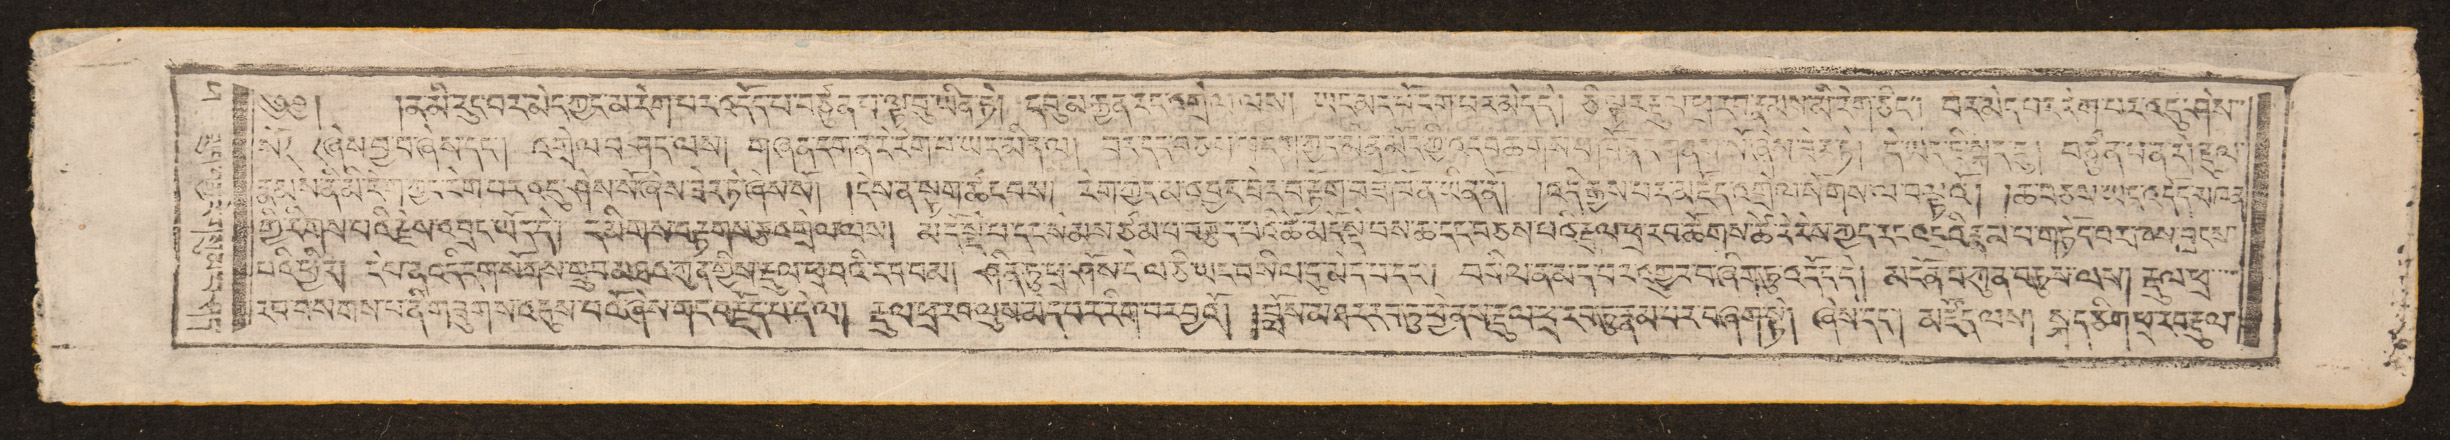༄༅། །ན་མི་རུང་བར་མེད་ཀྱང་མ་རེག་པར་འདོད་པ་བཙུན་པ་ལྟ་བུ་ཡིན་ཏེ། དབུ་མ་རྒྱན་རང་འགྲེལ་ལས། ཡང་མང་པོ་དག་པར་མེད་དེ། ཅི་ལྟར་རྡུལ་ཕྲ་རབ་རྣམས་མི་རེག་ཅིང་། བར་མེད་པར་རེག་པར་འདུ་ཤེས་
སོ༑ ༑ཞེས་བྱ་བ་ཞེས་དང་། འགྲེལ་བཤད་ལས། གཞན་དག་ན་རེ་རེག་པ་ཡང་མིན་ལ། བར་དང་བཅས་པ་དག་ཀྱང་མིན་མོད་ཀྱི་འདབ་ཆགས་པ་ཁོ་ནར་གནས་སོ་ཞེས་ཟེར་ཏེ། དེ་ཡང་ཇི་སྐད་དུ། བཙུན་པ་ན་རེ་རྡུལ་
རྣམས་ནི་མི་རེག་ཀྱང་རེག་པར་འདུ་ཤེས་སོ་ཞེས་ཟར་ཏེ་ཞེས་སོ། །དེས་ན་སྟག་ཚང་བས། རེག་ཀྱང་མ་འབྱར་ཟེར་བ་རྟོག་བཟོ་ཁོ་ན་ཡིན་ནོ། །འདི་རྒྱས་པར་མཛོད་འགྲེལ་སོགས་ལ་བལྟའོ། །ཆ་བཅས་ཡང་འདོད་མཁན་
གྱི་རིགས་པའི་རྗེས་འབྲང་ཡོད་དེ། དམིགས་བརྟགས་རྩ་འགྲེལ་ལས། མདོ་སྡེ་པ་དང་སེམས་ཙམ་པ་བརྩད་པའི་ཚེ་མདོ་སྡེ་པས་ཆ་དང་བཅས་པའི་རྡུལ་ཕྲ་རབ་ཚོགས་ཚེ་རེ་རེས་ཀྱང་རང་འདྲའི་རྣམ་པ་གཏོང་བར་ཁས་བླངས་
པའི་ཕྱིར། དེས་ན་འདི་དག་སོགས་གྲུབ་མཐའ་ཀུན་གྱིས་རྡུལ་ཕྲ་བའི་རབ་བམ། ཤིན་ཏུ་ཕྲ་ཤོས་དེ་ལ་ཅི་ཡང་བསིལ་དུ་མེད་པ་དང་། བསིལ་ན་མེད་པར་འགྱུར་བ་ཞིག་ཏུ་འདོད་དེ། མངོན་པ་ཀུན་བཏུས་ལས། རྡུལ་ཕྲ་
རབ་བསགས་པ་ནི་གཟུགས་འདུས་པའོ་ཞེས་གང་བརྗོད་བ་དེ་ལ། རྡུལ་ཕྲ་རབ་ལུས་མེད་པར་རིག་པར་བྱའོ། །བློས་མཐར་རབ་ཏུ་ཕྱེ་ནས་རྡུལ་ཕྲ་རབ་ཏུ་རྣམ་པར་བཞག་སྟེ། ཞེས་དང་། མཛོད་ལས། སྐད་ཅིག་ཕྲ་རབ་རྡུལ་